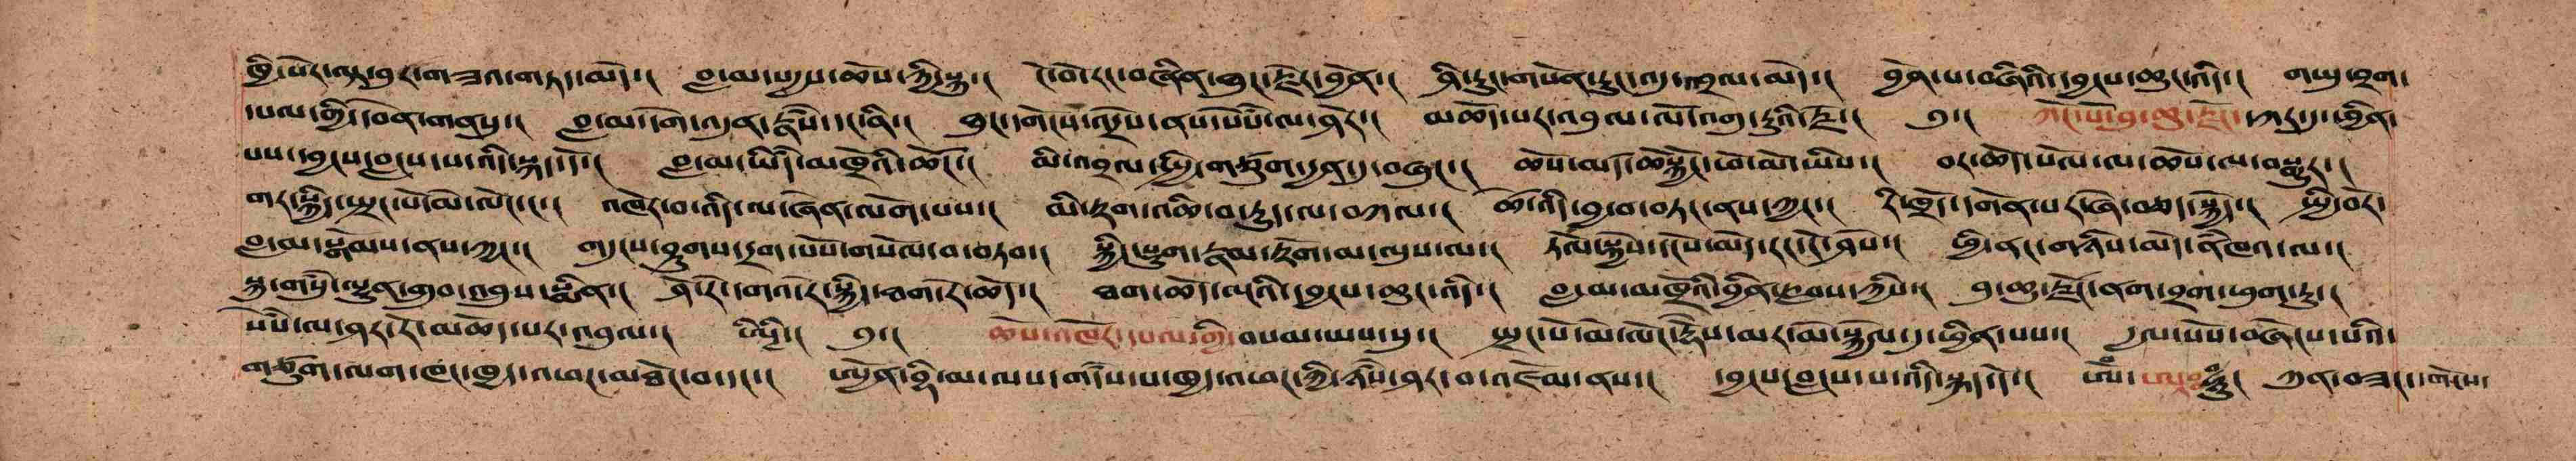ཁྱི་སེང་ལྟ་བུར་གཟའ་གཏད་མེད།། བླ་མ་སངས་རྒྱས་ཆོས་ཀྱི་སྐུ།། ངོ་བོ་རང་བཞིན་ཐུགས་རྗེར་བྱོན།། ཤི་རུང་གསོན་རུང་འདུ་འབྲལ་མེད།། བྱོན་པ་བཞིའི་དབྱངས་ཆུང་འདི།། གཡུ་བྲག་
དཔལ་གྱི་དབེན་གནས་སུ།། བླ་མ་དགེ་འདུན་རྣམས་དང་ནི།། ཐུགས་དགོངས་འདྲེས་ནས་སེམས་ལ་ཤོར།། མཆོད་པ་འབུལ་ལོ་འགུ་རུའི་རྗེ།། ༄་། ཀོང་པོ་བུ་ཆུ་རྫོང་དཀར་དུ་ཕྱིན་
པས་དབྱངས་བླངས་པ་འདི་སྐད་དོ།། བླ་མ་ཡི་དམ་མཁའ་འགྲོའི་ཚོགས།། མི་འབྲལ་སྤྱི་གཙུག་རྒྱན་དུ་བཞུགས།། ཆོས་མཛད་ཆོས་སྐྱོང་ཕོ་མོ་ཡིས།། བར་ཆོད་སོལ་ལ་ཆོས་ལ་བསྒྱུར།། 
གར་སྐྱིད་སྤྲང་པོ་མེ་ལོང་ང་།། འཁོར་བ་འདི་ལ་ཞེན་ལོག་པས།། མི་རྟག་འཆི་བ་རྒྱུད་ལ་བཀལ།། ཚེ་འདི་བྱ་བ་བཏང་ནས་ཀྱང་།། རི་ཁྲོད་དགོན་པར་ཞེ་བཅད་སྐྱེད།། སྤྱི་བོར་
བླ་མ་སྒོམས་ནས་ཀྱང་།། གདུང་ཤུགས་དྲག་པོས་གསོལ་བ་བཏབ།། སྐྱིད་སྡུག་རྣམ་རྟོག་མ་ལུས་ལ།། ཏོལ་སྐྱེས་དངོས་མེད་རང་ངོ་ཤེས།། ཕྱི་ནང་གཉིས་མེད་ནམ་མཁའ་ལ།། 
སྐུ་གསུམ་ལྷུན་གྲུབ་འབྲས་བུ་སྨིན།། ཤོ་རེ་དགའ་རེ་སྐྱིད་ཐག་རེ་ཆོད།། ཐག་ཆོད་ལྔའི་དབྱངས་ཆུང་འདི།། བླ་མ་མཁའ་འགྲོའི་བྱིན་རླབས་ཀྱིས།། བུ་ཆུ་རྫོང་ནག་བྲག་ཕུག་ཏུ།། 
སེམས་ལ་ཤར་རོ་མཆོད་པ་འབུལ།། ཨིཊི།། ༄་། ཆོས་འཁོར་དཔལ་གྱི་བསམ་ཡས་སུ།། སྤྲང་པོ་མེ་ལོང་རྡོ་རྗེས་མར་མེ་སྐྱེལ་དུ་ཕྱིན་པས།། རྒྱལ་པོས་བཞེངས་པའི་
གཙུག་ལག་ཁང་ཁྱད་འཕགས་མཐོང་བ་དང་།། ཨོ་རྒྱན་བྷི་མ་ལས་གདམས་པ་ཁྱད་འཕགས་ཀྱི་ཉམས་ཤར་བ་འཛོམ་ནས།། དབྱངས་བླངས་པ་འདི་སྐད་དོ།། ཨོཾ་ཨཱཿཧཱུཾ། ཀུན་བཟང་དགོངས་